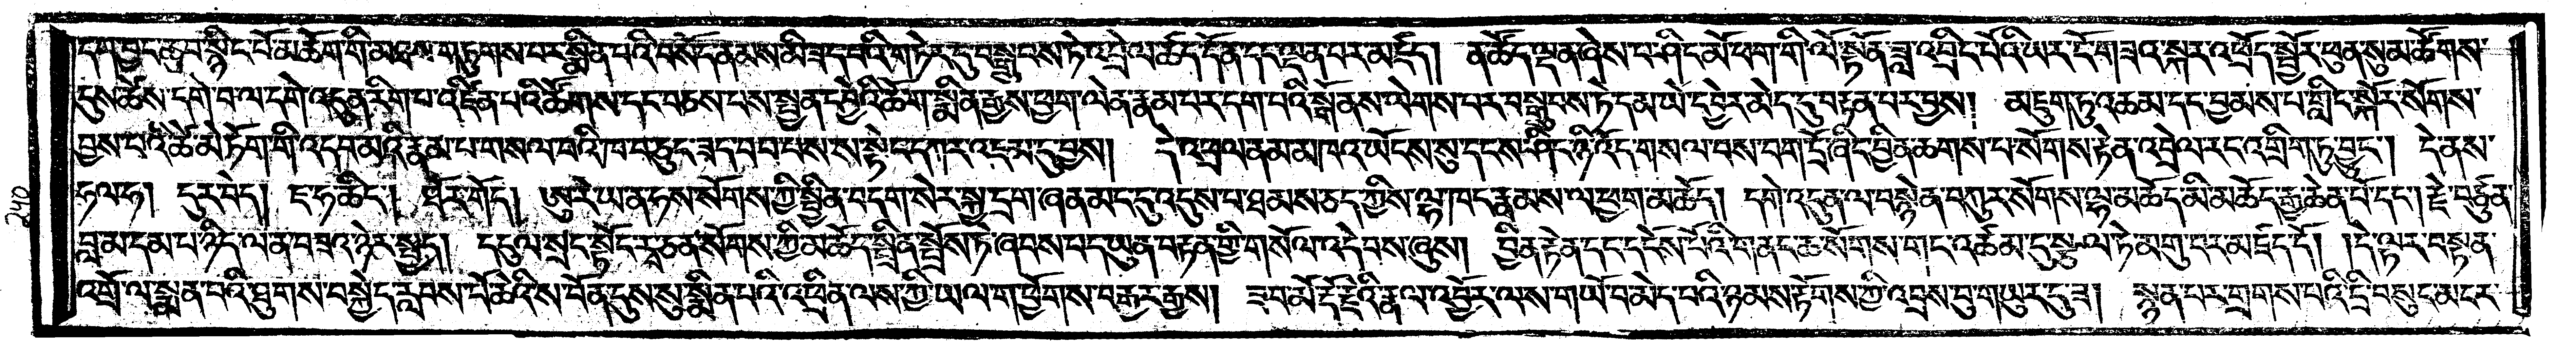དག་བྱང་ཆུབ་སྙིང་པོ་མཆོག་གི་མཐས་གཏུགས་པར་སྨིན་པའི་བསོད་ནམས་མི་ཟད་པའི་གཏེར་དུ་བསྒྲུབས་ཏེ་འབྲེལ་ཚད་དོན་དང་ལྡན་པར་མཛད། ན་ཚོད་ལྡན་ཞེས་པ་ཤིང་མོ་ཕག་གི་ལོ་སྟོན་ཟླ་འབྲིང་པོའི་ཡར་ངོ་གཟའ་སྐར་འཕྲོད་སྦྱོར་ཕུན་སུམ་ཚོགས་
དུས་ཚེས་དགེ་བ་ལ་དགེ་འདུན་རིག་པ་འཛིན་པའི་ཚོགས་དང་བཅས་པས་སྤྱན་དབྱེའི་ཆོ་ག་སྨིན་རྒྱས་ཕྱག་ལེན་རྣམ་པར་དག་པའི་སྒོ་ནས་ལེགས་པར་བསྒྲུབས་ཏེ་དམ་ཡེ་དབྱེར་མེད་དུ་བརྟན་པར་བྱས། མཇུག་ཏུ་འཆམ་དང་བྱམས་པ་གླིང་སྐོར་སོགས་
བྱས་པའི་ཚེ་མེ་ཏོག་གི་འདབ་མའི་རྣམ་པ་གསལ་བའི་ཁ་བ་ཅུང་ཟད་བབ་པས་ས་སྟེང་དཀར་འཇམ་དུ་བྱས། དེ་འཕྲལ་ནམ་མཁའ་ཡོངས་སུ་དངས་ཤིང་ཉི་འོད་གསལ་བས་བག་དྲོ་ཞིང་བྱིན་ཆགས་པ་སོགས་རྟེན་འབྲེལ་རང་འགྲིག་ཏུ་བྱུང་། དེ་ནས་
ཧལ་ཧ། དུར་བདེ། ཇ་ཧ་ཅིང་། ཐོར་གོད། ཨུ་རེ་ཡན་ཧས་སོགས་ཀྱི་སྦྱིན་བདག་སེར་སྐྱ་དྲག་ཞན་མང་དུ་འདུས་པ་ཐམས་ཅད་ཀྱིས་ལྷ་ཁང་རྣམས་ལ་ཕྱག་མཆོད། དགེ་འདུན་ལ་བསྙེན་བཀུར་སོགས་ལྷ་མཆོད་མི་མཆོད་རྒྱ་ཆེན་པོ་དང་། རྗེ་བཙུན་
བླ་མ་དམ་པ་ཉིད་ལན་བཟའ་ཉེར་སྤྱད། དངུལ་སྲང་སྟོང་རྭ་ཅན་སོགས་ཀྱི་མཆོད་སྤྲིན་སྤྲོས་ཏེ་ཞབས་པད་ཡུལ་བརྟན་གྱི་གསོལ་འདེབས་ཞུས། བྱིན་རྟེན་དང་དངོས་པོའི་གནང་ཆ་སོགས་གང་འཚམ་དུ་སྩལ་ཏེ་མགུ་བར་མཛད་དོ། །དེ་ལྟར་བསྟན་
འགྲོལ་སྨན་པའི་ཐུགས་བསྐྱེད་རླབས་པོ་ཆེའི་ས་བོན་དུས་སུ་སྨིན་པའི་འཕྲིན་ལས་ཀྱི་ཡལ་ག་ཕྱོགས་བརྒྱར་རྒྱས། ཟབ་མོ་རྡོ་རྗེའི་རྣལ་འབྱོར་ལས་གཡོ་བ་མེད་པའི་ཉམས་རྟོགས་ཀྱི་འབྲས་བུ་གཡུར་དུ་ཟ། སྙན་པར་གྲགས་པའི་དྲི་བསུང་མངར་